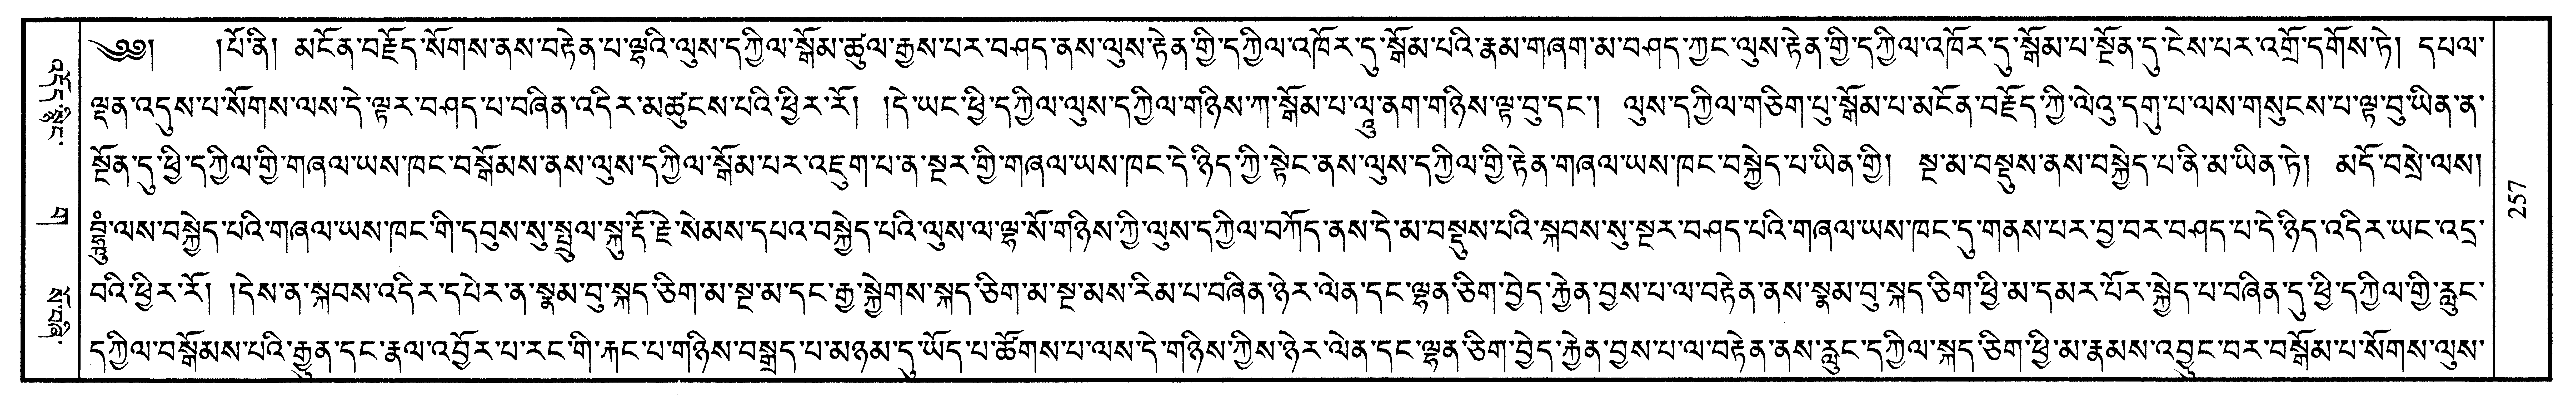༄༅། །པོ་ནི། མངོན་བརྗོད་སོགས་ནས་བརྟེན་པའི་ལྷའི་ལུས་དཀྱིལ་སྒོམ་ཚུལ་རྒྱས་པར་བཤད་ནས་ལུས་རྟེན་གྱི་དཀྱིལ་འཁོར་དུ་སྒོམ་པའི་རྣམ་གཞག་མ་བཤད་ཀྱང་ལུས་རྟེན་གྱི་དཀྱིལ་འཁོར་དུ་སྒོམ་པ་སྔོན་དུ་ངེས་པར་འགྲོ་དགོས་ཏེ། དཔལ་
ལྡན་འདུས་པ་སོགས་ལས་དེ་ལྟར་བཤད་པ་བཞིན་འདིར་མཚུངས་པའི་ཕྱིར་རོ། །དེ་ཡང་ཕྱི་དཀྱིལ་ལུས་དཀྱིལ་གཉིས་ཀ་སྒོམ་པ་ལཱུ་ནག་གཉིས་ལྟ་བུ་དང་། ལུས་དཀྱིལ་གཅིག་པུ་སྒོམ་པ་མངོན་བརྗོད་ཀྱི་ལེའུ་དགུ་པ་ལས་གསུངས་པ་ལྟ་བུ་ཡིན་ན་
སྔོན་དུ་ཕྱི་དཀྱིལ་གྱི་གཞལ་ཡས་ཁང་བསྒོམས་ནས་ལུས་དཀྱིལ་སྒོམ་པར་འཇུག་པ་ན་སྔར་གྱི་གཞལ་ཡས་ཁང་དེ་ཉིད་ཀྱི་སྟེང་ནས་ལུས་དཀྱིལ་གྱི་རྟེན་གཞལ་ཡས་ཁང་བསྐྱེད་པ་ཡིན་གྱི། སྔ་མ་བསྡུས་ནས་བསྐྱེད་པ་ནི་མ་ཡིན་ཏེ། མདོ་བསྲེ་ལས།
བྷྲཱུཾ་ལས་བསྐྱེད་པའི་གཞལ་ཡས་ཁང་གི་དབུས་སུ་སྤྲུལ་སྐུ་རྡོ་རྗེ་སེམས་དཔའ་བསྐྱེད་པའི་ལུས་ལ་ལྷ་སོ་གཉིས་ཀྱི་ལུས་དཀྱིལ་བཀོད་ནས་དེ་མ་བསྡུས་པའི་སྐབས་སུ་སྔར་བཤད་པའི་གཞལ་ཡས་ཁང་དུ་གནས་པར་བྱ་བར་བཤད་པ་དེ་ཉིད་འདིར་ཡང་འདྲ་
བའི་ཕྱིར་རོ། །དེས་ན་སྐབས་འདིར་དཔེར་ན་སྣམ་བུ་སྐད་ཅིག་མ་སྔ་མ་དང་རྒྱ་སྐྱེགས་སྐད་ཅིག་མ་སྔ་མས་རིམ་པ་བཞིན་ཉེར་ལེན་དང་ལྷན་ཅིག་བྱེད་རྐྱེན་བྱས་པ་ལ་བརྟེན་ནས་སྣམ་བུ་སྐད་ཅིག་ཕྱི་མ་དམར་པོར་སྐྱེད་པ་བཞིན་དུ་ཕྱི་དཀྱིལ་གྱི་རླུང་
དཀྱིལ་བསྒོམས་པའི་རྒྱུན་དང་རྣལ་འབྱོར་པ་རང་གི་རྐང་པ་གཉིས་བསྒྲད་པ་མཉམ་དུ་ཡོད་པ་ཚོགས་པ་ལས་དེ་གཉིས་ཀྱིས་ཉེར་ལེན་དང་ལྷན་ཅིག་བྱེད་རྐྱེན་བྱས་པ་ལ་བརྟེན་ནས་རླུང་དཀྱིལ་སྐད་ཅིག་ཕྱི་མ་རྣམས་འབྱུང་བར་བསྒོམ་པ་སོགས་ལུས་